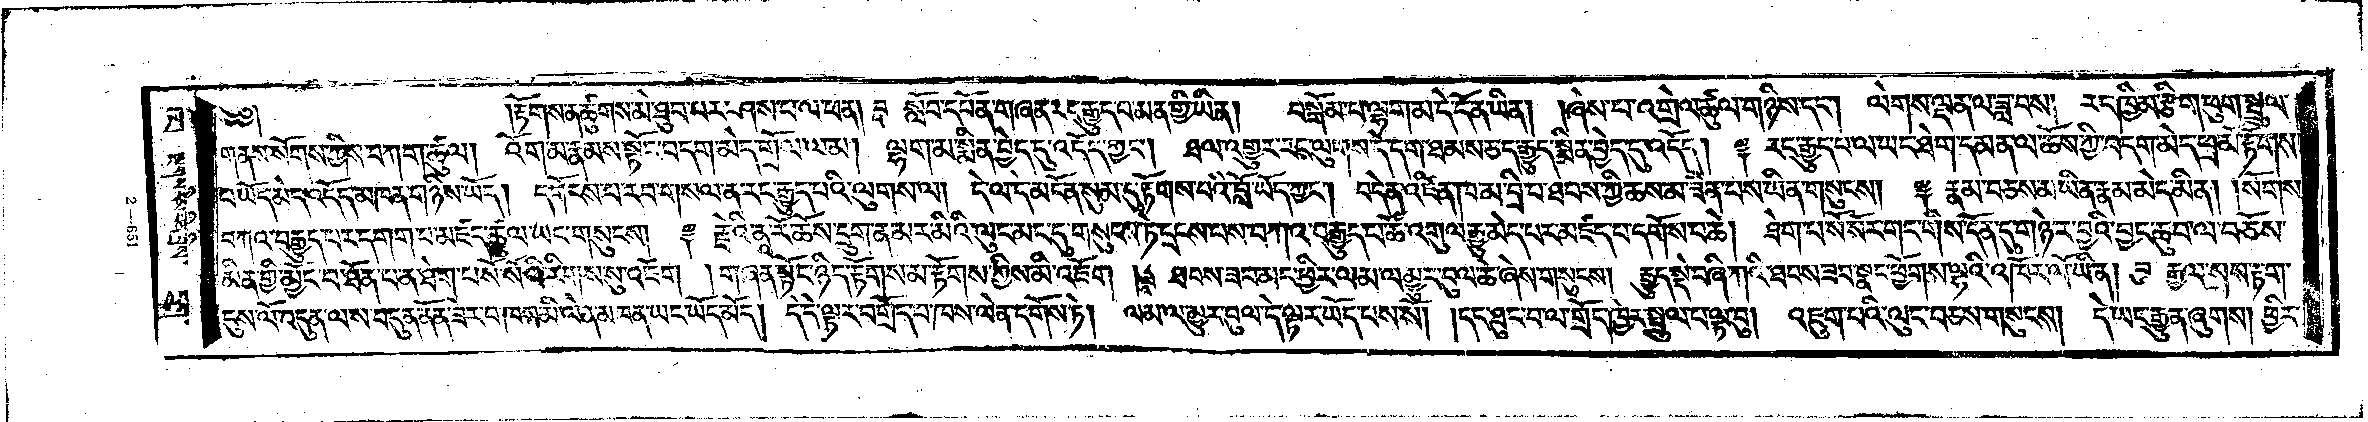༄༅། །རྟོགས་ན་ཚུགས་མེ་ཐུབ་པར་ཤས་པ་ལ་ཕན། བ༥་སློབ་དཔོན་གཞན་རང་རྒྱུད་པ་མན་གྱི་ཡིན། བསྒོམ་པ་ལྷག་མ་དེ་དོན་ཡིན། ཞེས་པ་འགྲེལ་ཚུལ་གཉིས་དང་། ལེགས་ལྡན་ལ་ཟླ་བས། རང་ཁྱིམ་རྩིག་ཕུག་སྤྲུལ་
གནས་སོགས་ཀྱིས་བཀག་ཚུལ། འོག་མ་རྣམས་སྟོང་བདག་མེད་གྲོལ་ལམ། ལྷག་མ་སྨིན་བྱེད་དུ་འདོད་ཀྱང་། ཐལ་འགྱུར་རང་ལུགས་དེ་དག་ཐམས་ཅད་རྒྱུད་སྨིན་བྱེད་དུ་འདོད། ༈ རང་རྒྱུད་པ་ལ་ཡང་ཐེག་དམན་ལ་ཆོས་ཀྱི་བདག་མེད་ཕྲ་མོ་རྟོགས་
བ་ཡོད་མེད་འདོད་མཁན་གཉིས་ཡོད། དགོངས་པ་རབ་གསལ་ན་རང་རྒྱུད་པའི་ལུགས་ལ། དེ་ལ་དེ་མངོན་སུམ་དུ་རྟོགས་པའི་བློ་ཡོད་ཀྱང་། བདེན་འཛིན་ཁ་མ་བྲི་བ་ཐབས་ཀྱི་ཆས་མ་ཟིན་པས་ཡིན་གསུངས། ༈ རྣམ་བཅས་མ་ཡིན་རྣམ་མེད་མིན། །སོགས་
བཀའ་བརྒྱུད་པར་དགག་པ་མཛད་ཚུལ་ཡང་གསུངས། ༈ རྗེའི་ནཱ་རོ་ཆོས་དྲུག་ན་མར་མིའི་ལུང་མང་དུ་གསུངས་ཏེ་དྲངས་པས་བཀའ་བརྒྱུད་པ་ཚོ་འགུལ་རྒྱུ་མེད་པར་མཛད་པ་དགོས་པ་ཆེ། ཐེག་པ་སོ་སོར་གང་གིས་དོན་དུ་གཉེར་བྱའི་བྱང་ཆུབ་ལ་བཅོས་
མིན་གྱི་མྱོང་བ་ཐོན་པ་ན་ཐེག་པ་སོ་སོའི་རིགས་སུ་འཇོག །གཞན་སྟོང་ཉིད་རྟོགས་མ་རྟོགས་ཀྱིས་མི་འཇོག །༨བ༢་ཐབས་ཟབ་མང་ཕྱིར་ལམ་ལ་མྱུར་བུལ་ཆེ་ཞེས་གསུངས། །རྒྱུན་སྡེ་བཞི་ཀའི་ཐབས་ཟབ་སྣང་ཕྱོགས་ལྷའི་འཁོར་ལོ་ཡིན། བ༦་རྒྱལ་སྲས་རྟག་
དུས་ལོ་བདུན་ལས་བདུན་ནོན་ཟེར་བ་ཁས་མི་ལེན་མཁན་ཡང་ཡོད་མོད། དེ་དེ་ལྟར་བགྲོད་པ་ཁས་ལེན་དགོས་ཏེ། ལམ་ལ་མྱུར་བུལ་དེ་ལྟར་ཡོད་པས་སོ། །དང་ཐུང་བ་ལ་གྲོད་ཁྱེར་སྤྲུལ་པ་ལྟ་བུ། འཇུག་པའི་ལུང་བཅས་གསུངས། དེ་ཡང་རྒྱུན་ཞུགས། ཕྱིར་